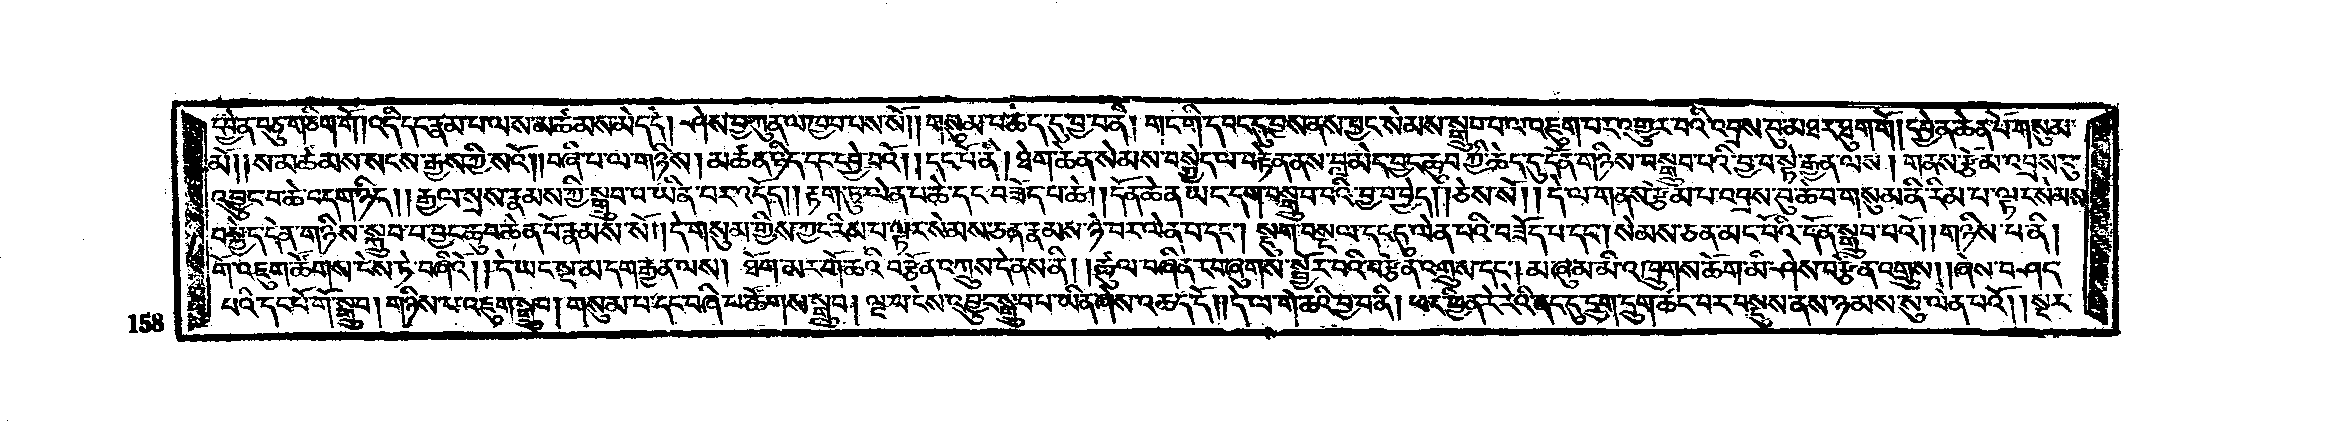དབྱེ་ན་བཅུ་གཅིག་གོ །འདི་དང་རྣམ་པ་ལ་ས་མཚམས་མེད་དེ། ཤེས་བྱ་ཀུན་ལ་ཁྱབ་པས་སོ། །གསུམ་པ་ཆེད་དུ་བྱ་བ་ནི། གང་གི་དབང་དུ་བྱས་ནས་བྱང་སེམས་སྒྲུབ་པ་ལ་འཇུག་པར་འགྱུར་བའི་འབྲས་བུ་མཐར་ཐུག་གོ །དབྱེ་ན་ཆེན་པོ་གསུམ་
མོ། །ས་མཚམས་སངས་རྒྱས་རྒྱས་ཀྱི་སའོ། །བཞི་པ་ལ་གཉིས། མཚན་ཉིད་དང་དབྱེ་བའོ། །དང་པོ་ནི། ཐེག་ཆེན་སེམས་བསྐྱེད་ལ་བརྟེན་ནས་བླ་མེད་བྱང་ཆུབ་ཀྱི་ཆེད་དུ་དོན་གཉིས་བསྒྲུབ་པའི་བྱ་བ་སྟེ་རྒྱན་ལས། གནས་རྩོམ་འབྲས་བུ་
འབྱུང་བ་ཆེ་བདག་ཉིད། །རྒྱལ་སྲས་རྣམས་ཀྱི་སྒྲུབ་པ་ཡིན་པར་འདོད། །རྟག་ཏུ་ལེན་པ་ཆེ་དང་བཟོད་པ་ཆེ། །དོན་ཆེན་ཡང་དག་བསྒྲུབ་པའི་བྱ་བ་བྱེད། །ཅེས་སོ། །དེ་ལ་གནས་རྩོམ་པ་འབྲས་བུ་ཆེ་བ་གསུམ་ནི་རིམ་པ་ལྟར་སེམས་
བསྐྱེད་དོན་གཉིས་སྒྲུབ་པ་བྱང་ཆུབ་ཆེན་པོ་རྣམས་སོ། །དེ་གསུམ་གྱིས་ཀྱང་རིམ་པ་ལྟར་སེམས་ཅན་རྣམས་ཉེ་བར་ལེན་པ་དང་། སྡུག་བསྔལ་དང་དུ་ལེན་པའི་བཟོད་པ་དང་། སེམས་ཅན་མང་པོའི་དོན་སྒྲུབ་པའོ། །གཉིས་པ་ནི།
གོ་འཇུག་ཚོགས་ངེས་ཏེ་བཞིའོ། །དེ་ཡང་སྔ་མ་དག་རྒྱན་ལས། ཐོག་མར་གོ་ཆའི་བརྩོན་འགྲུས་དེ་ནས་ནི། །ཚུལ་བཞིན་རབ་ཞུགས་སྦྱོར་བའི་བརྩོན་འགྲུས་དང་། མ་ཞུམ་མི་འཁྲུགས་ཆོག་མི་ཤེས་བརྩོན་འགྲུས། །ཞེས་བཤད་
པའི་དང་པོ་གོ་སྒྲུབ། གཉིས་པ་འཇུག་སྒྲུབ། གསུམ་པ་དང་བཞི་པ་ཚོགས་སྒྲུབ། ལྔ་པ་ངེས་འབྱུང་སྒྲུབ་པ་ཡིན་ཞེས་འཆད་དོ། །དེ་ལ་གོ་ཆའི་བྱ་བ་ནི། ཕར་ཕྱིན་རེ་རེའི་ནང་དུ་དྲུག་དྲུག་ཚང་བར་བསྡུས་ནས་ཉམས་སུ་ལེན་པའོ། །སྔར་